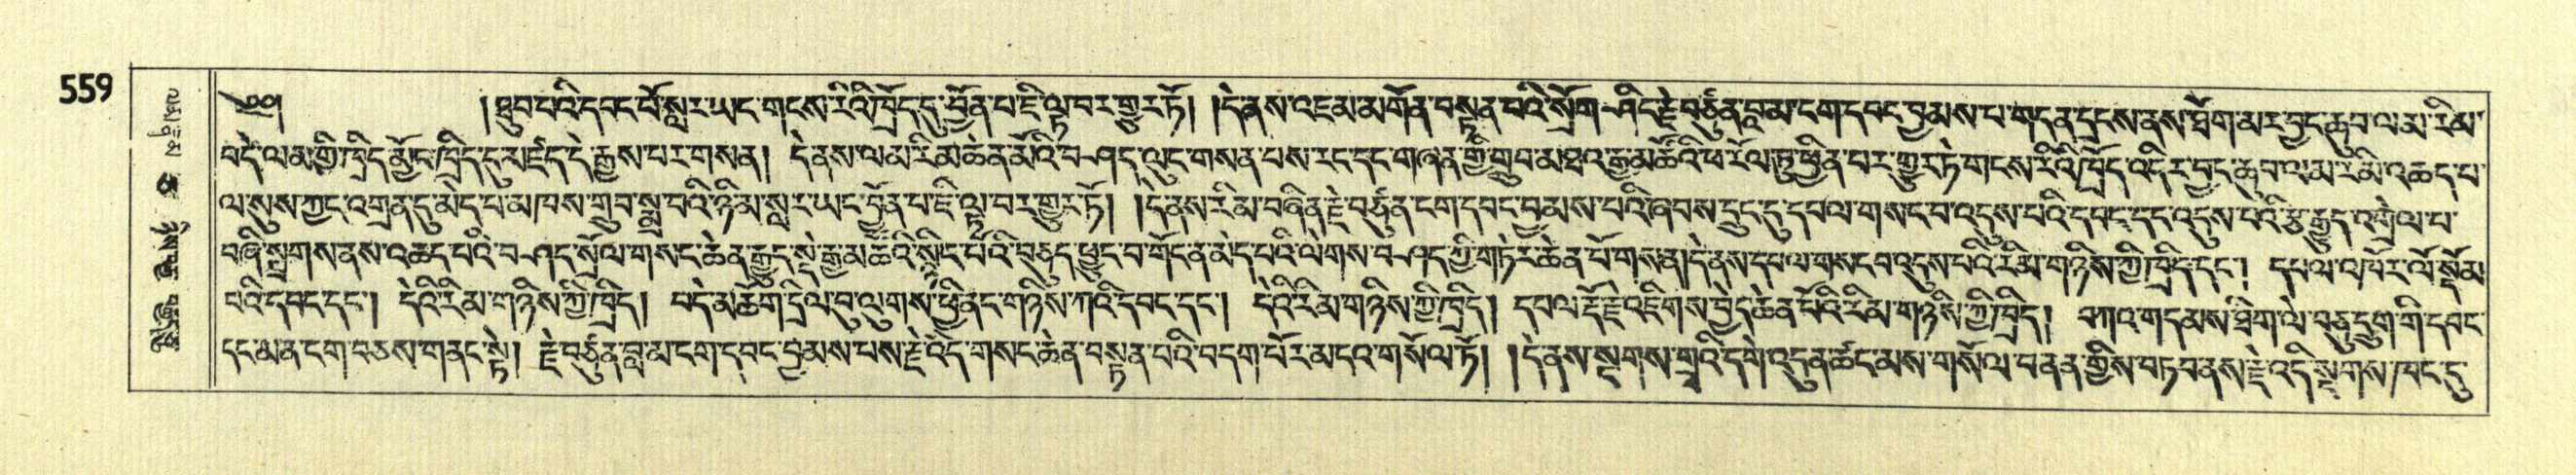༄༅། །ཐུབ་པའི་དབང་པོ་སླར་ཡང་གངས་རིའི་ཁྲོད་དུ་བྱོན་པ་ཇི་ལྟ་བར་གྱུར་ཏོ། །དེ་ནས་འཇམ་མགོན་བསྟན་པའི་སྲོག་ཤིང་རྗེ་བཙུན་བླ་མ་ངག་དབང་བྱམས་པ་གདན་དྲངས་ནས་ཐོག་མར་བྱང་ཆུབ་ལམ་རིམ་
བདེ་ལམ་གྱི་ཁྲིད་མྱོང་ཁྲིད་དུ་མཛད་དེ་རྒྱས་པར་གསན། དེ་ནས་ལམ་རིམ་ཆེན་མོའི་བཤད་ལུང་གསན་པས་རང་དང་གཞན་གྱི་གྲུབ་མཐའ་རྒྱ་མཚོའི་ཕ་རོལ་ཏུ་ཕྱིན་པར་གྱུར་ཏེ་གངས་རིའི་ཁྲོད་འདིར་བྱང་ཆུབ་ལམ་རིམ་འཆད་པ་
ལ་སུས་ཀྱང་འགྲན་དུ་མེད་པ་མཁས་གྲུབ་སྨྲ་བའི་ཉི་མ་སླར་ཡང་བྱོན་པ་ཇི་ལྟ་བར་གྱུར་ཏོ། །དེ་ནས་རིམ་བཞིན་རྗེ་བཙུན་ངག་དབང་བྱམས་པའི་ཞབས་དྲུང་དུ་དཔལ་གསང་བ་འདུས་པའི་དབང་དང་འདུས་པའི་རྩ་རྒྱུད་འགྲེལ་པ་
བཞི་སྤྲགས་ནས་འཆད་པའི་བཤད་སྲོལ་གསང་ཆེན་རྒྱུད་སྡེ་རྒྱ་མཚོའི་སྙིང་པོའི་བཅུད་ཕྱུང་བ་གོང་ན་མེད་པའི་ལེགས་བཤད་ཀྱི་གཏེར་ཆེན་པོ་གསན། དེ་ནས་དཔལ་གསང་བ་འདུས་པའི་རིམ་གཉིས་ཀྱི་ཁྲིད་དང་། དཔལ་འཁོར་ལོ་སྡོམ་
པའི་དབང་དང་། དེའི་རིམ་གཉིས་ཀྱི་ཁྲིད། བདེ་མཆོག་དྲིལ་བུ་ལུགས་ཕྱི་ནང་གཉིས་ཀའི་དབང་དང་། དེའི་རིམ་གཉིས་ཀྱི་ཁྲིད། དཔལ་རྡོ་རྗེ་འཇིགས་བྱེད་ཆེན་པོའི་རིམ་གཉིས་ཀྱི་ཁྲིད། བཀའ་གདམས་ཐིག་ལེ་བཅུ་དྲུག་གི་དབང་
དང་མན་ངག་བཅས་གནང་སྟེ། རྗེ་བཙུན་བླ་མ་ངག་དབང་བྱམས་པས་རྗེ་འདི་གསང་ཆེན་བསྟན་པའི་བདག་པོར་མངའ་གསོལ་ཏོ། །དེ་ནས་སྔགས་གྲྭའི་དགེ་འདུན་ཚང་མས་གསོལ་བ་ནན་གྱིས་བཏབ་ནས་རྗེ་འདི་སྔགས་ཁང་དུ་